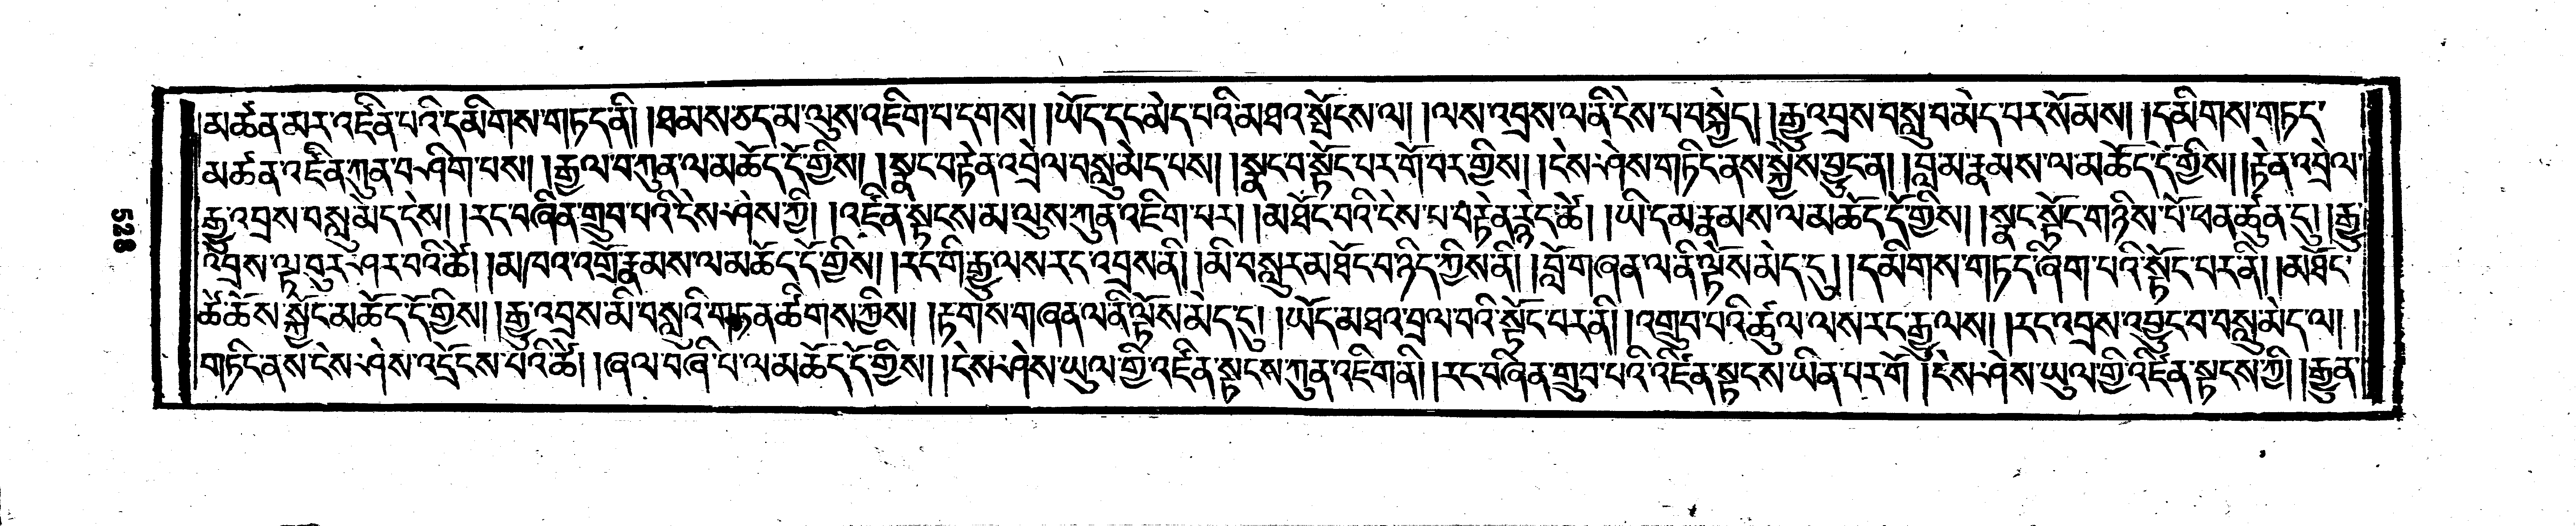མཚན་མར་འཛིན་པའི་དམིགས་གཏད་ནི། །ཐམས་ཅད་མ་ལུས་འཇིག་པ་དགས། །ཡོད་དང་མེད་པའི་མཐའ་སྤོངས་ལ། །ལས་འབྲས་ལ་ནི་ངེས་པ་བསྐྱེད། །རྒྱུ་འབྲས་བསླུ་བ་མེད་པར་སོམས། །དམིགས་གཏད་
མཚན་འཛིན་ཀུན་བཤིག་པས། །རྒྱལ་བ་ཀུན་ལ་མཆོད་དོ་གྱིས། །སྣང་བ་རྟེན་འབྲེལ་བསླུ་མེད་པས། །སྣང་བ་སྟོང་པར་གོ་བར་གྱིས། །ངེས་ཤེས་གཏིང་ནས་སྐྱེས་བྱུང་ན། །བླ་མ་རྣམས་ལ་མཆོད་དོ་གྱིས། །རྟེན་འབྲེལ་
རྒྱུ་འབྲས་བསླུ་མེད་དེས། །རང་བཞིན་གྲུབ་པའི་ངེས་ཤེས་ཀྱི། །འཛིན་སྟངས་མ་ལུས་ཀུན་འཇིག་པར། །མཐོང་བའི་ངེས་པ་བརྟེན་རྙེད་ཚེ། །ཡི་དམ་རྣམས་ལ་མཆོད་དོ་གྱིས། །སྣང་སྟོང་གཉིས་པོ་ཕན་ཚུན་དུ། །རྒྱུ་
འབྲས་ལྟ་བུར་ཤར་བའི་ཚེ། །མཁའ་འགྲོ་རྣམས་ལ་མཆོད་དོ་གྱིས། །རང་གི་རྒྱུ་ལས་རང་འབྲས་ནི། །མི་བསླུར་མཐོང་བ་ཉིད་ཀྱི་ནི། །བློ་གཞན་ལ་ནི་ལྟོས་མེད་དུ། །དམིགས་གཏད་ཞིག་པའི་སྟོང་པར་ནི། །མཐོང་
ཚེ་ཆོས་སྐྱོང་མཆོད་དོ་གྱིས། །རྒྱུ་འབྲས་མི་བསླུའི་གཏན་ཚིགས་ཀྱིས། །རྟགས་གཞན་ལ་ནི་ལྟོས་མེད་དུ། །ཡོད་མཐའ་བྲལ་བའི་སྟོང་པར་ནི། །འགྲུབ་པའི་ཚུལ་ལས་རང་རྒྱུ་ལ། །རང་འབྲས་འབྱུང་བ་བསླུ་མེད་ལ། །
གཏིང་ནས་ངེས་ཤེས་འདྲོངས་པའི་ཚེ། །ཞལ་བཞི་པ་ལ་མཆོད་དོ་གྱི། །ངེས་ཤེས་ཡུལ་གྱི་འཛིན་སྟངས་ཀུན་འཇིག་ནི། །རང་བཞིན་གྲུབ་པའི་འཛིན་བསྟང་ཡིན་པར་གོ །ངེས་ཤེས་ཡུལ་གྱི་འཛིན་སྟངས་ཀྱི། །རྒྱུན་